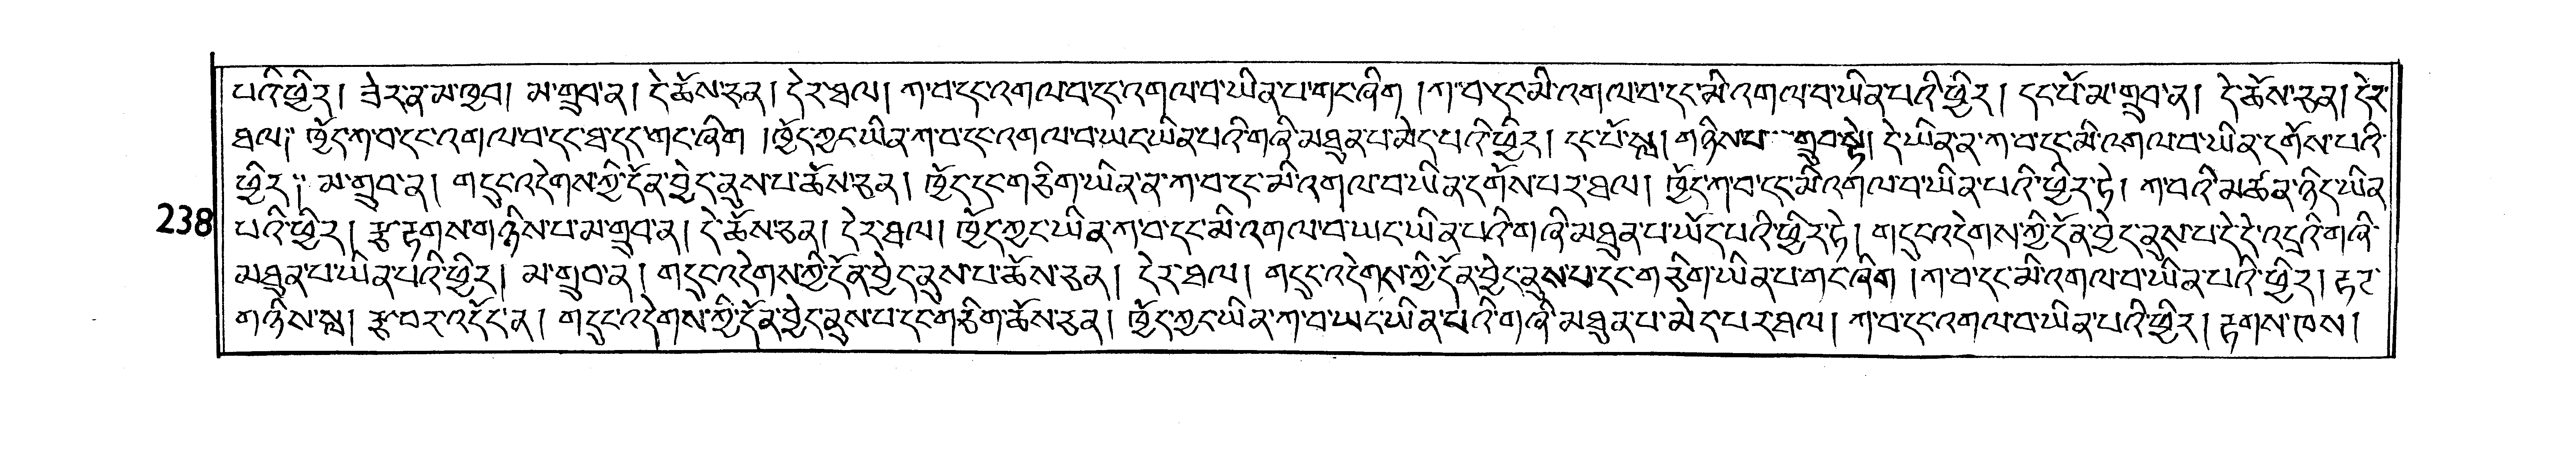པའི་ཕྱིར། ཟེར་ན་མ་ཁྱབ། མ་གྲུབ་ན། དེ་ཆོས་ཅན། དེར་ཐལ། ཀ་བ་དང་འགལ་བ་དང་འགལ་བ་ཡིན་པ་གང་ཞིག །ཀ་བ་དང་མི་འགལ་བ་དང་མི་འགལ་བ་ཡིན་པའི་ཕྱིར། དང་པོ་མ་གྲུབ་ན། དེ་ཆོས་ཅན། དེར་
ཐལ༑ ཁྱོད་ཀ་བ་དང་འགལ་བ་དང་ཐ་དད་གང་ཞིག །ཁྱོད་ཀྱང་ཡིན་ཀ་བ་དང་འགལ་བ་ཡང་ཡིན་པའི་གཞི་མཐུན་པ་མེད་པའི་ཕྱིར། དང་པོ་སླ། གཉིས་པ་གྲུབ་སྟེ། དེ་ཡིན་ན་ཀ་བ་དང་མི་འགལ་བ་ཡིན་དགོས་པའི་
ཕྱིར༑ མ་གྲུབ་ན། གདུང་འདེགས་ཀྱི་དོན་བྱེད་ནུས་པ་ཆོས་ཅན། ཁྱོད་དང་གཅིག་ཡིན་ན་ཀ་བ་དང་མི་འགལ་བ་ཡིན་དགོས་པར་ཐལ། ཁྱོད་ཀ་བ་དང་མི་འགལ་བ་ཡིན་པའི་ཕྱིར་ཏེ། ཀ་བའི་མཚན་ཉིད་ཡིན་
པའི་ཕྱིར། རྩ་རྟགས་གཉིས་པ་མ་གྲུབ་ན། དེ་ཆོས་ཅན། དེར་ཐལ། ཁྱོད་ཀྱང་ཡིན་ཀ་བ་དང་མི་འགལ་བ་ཡང་ཡིན་པའི་གཞི་མཐུན་པ་ཡོད་པའི་ཕྱིར་ཏེ། གདུང་འདེགས་ཀྱི་དོན་བྱེད་ནུས་པ་དེ་དེ་འདྲའི་གཞི་
མཐུན་པ་ཡིན་པའི་ཕྱིར། མ་གྲུབ་ན། གདུང་འདེགས་ཀྱི་དོན་བྱེད་ནུས་པ་ཆོས་ཅན། དེར་ཐལ། གདུང་འདེགས་ཀྱི་དོན་བྱེད་ནུས་པ་དང་གཅིག་ཡིན་པ་གང་ཞིག །ཀ་བ་དང་མི་འགལ་བ་ཡིན་པའི་ཕྱིར། རྟཌ་
གཉིས་སླ། རྩ་བར་འདོད་ན། གདུང་འདེགས་ཀྱི་དོན་བྱེད་ནུས་པ་དང་གཅིག་ཆོས་ཅན། ཁྱོད་ཀྱང་ཡིན་ཀ་བ་ཡང་ཡིན་པའི་གཞི་མཐུན་པ་མེད་པར་ཐལ། ཀ་བ་དང་འགལ་བ་ཡིན་པའི་ཕྱིར། རྟགས་ཁས།